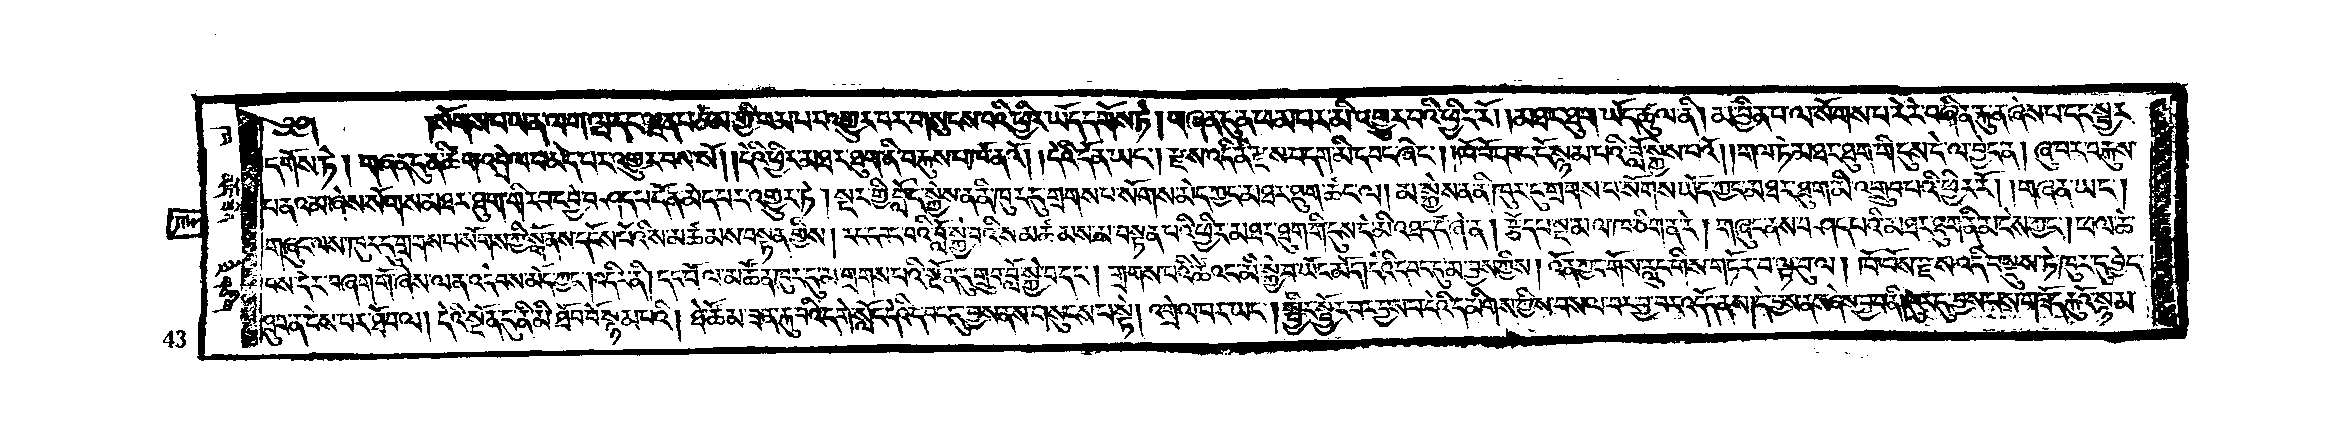༄༅། །སོགས་པ་ཡན་ལག་ལྔ་དང་ལྡན་པ་ཙམ་གྱི་ཕམ་པར་འགྱུར་བར་གསུངས་བའི་ཕྱིར་ཡོད་དགོས་ཏེ། གཞན་དུ་ན་ཕམ་པར་མི་འགྱུར་བའི་ཕྱིར་རོ། །མཐར་ཐུག་ཡོད་ཆུལ་ནི། མ་བྱིན་པ་ལ་སོགས་པ་རེ་རེ་བཞིན་རྐུ་ན་ཞེས་པ་དང་སྦྱར་
དགོས་ཏེ། གཞན་དུ་ན་ཚིག་འབྲེལ་བ་མེད་པར་འགྱུར་བས་སོ། །དེའི་ཕྱིར་མཐར་ཐུག་ནི་བརྐུས་པ་ཁོ་ནའོ། །དེའི་དོན་ཡང་། རྫས་འདི་ནི་རྫས་བདག་མི་དབང་ཞིང་། །ཁོ་བོ་དབང་ངོ་སྙམ་པའི་བློ་སྐྱེས་པའོ། །གལ་ཏེ་མཐར་ཐུག་གི་དུས་དེ་ལ་བྱེད་ན། ཞུ་བར་བརྐུས་
པ་ནའམ་ཞེས་སེགས་མཐར་ཐུག་གི་རབ་དབྱེ་བཤད་པ་དོན་མད་པར་འགྱུར་ཏེ། སྔར་གྱི་བློ་དེ་སྐྱེས་ན་ནི་ཁུར་དུ་གྲགས་པ་སོགས་མེད་ཀྱང་མཐར་ཐུག་ཆེང་ལ། མ་སྐྱེས་ན་ནི་ཁུར་དུ་གྲགས་པ་སོགས་ཡོད་ཀྱང་མཐར་ཐུག་མི་འགྲུབ་པའི་ཕྱིར་རོ། །གཞན་ཡང་།
གཞུང་ལས་ཁུར་དུ་གྲགས་པ་སོགས་ཀྱི་སྒོ་ནས་དངོས་པོའི་ས་མཚམས་བསྟན་གྱིས། རང་དབང་བའི་བློ་སྐྱེ་བའི་ས་མཚམས་མ་བསྟན་པའི་ཕྱིར་མཐར་ཐུག་གི་དུས་དེ་མི་འཐད་དོ་ཞ་ན། རྩོད་པ་སྔ་མ་ལ་ཁ་ཅིག་ན་རེ། གཞུང་ནས་བཤད་པའི་མཐར་ཐུག་ནི་མ་ངེས་ཀྱང་། ཕལ་ཆེ་
བས་དེར་བཞག་གོ་ཞེས་ལན་འདེབས་མོད་ཀྱང་། འདིར་ནི། དང་པོ་ལ་མཚོན་ཁུར་དུ་མ་གྲགས་པའི་སྔོན་དུ་གྲུབ་བློ་སྐྱེ་བ་དང་། གྲགས་པའི་ཚེའང་མི་སྐྱེ་བ་ཡོང་མོད། དེའི་དབང་དུ་མ་བྱས་ཀྱིས། འོན་ཀྱང་གོས་རླུང་གིས་གཏེར་བལྟ་བུ་ལ། །བོ་བོས་རྫས་འདི་བསྡུས་ཏེ་ཁུར་དུ་བྱེད་
ཐུབ་ན་ངེས་པར་ཐོབ་ལ། དེའི་སྔོན་དུ་ནི་མི་ཐོབ་བོ་སྙམ་པའི། ཐེ་ཚོམ་ཟ་ན་རྐུ་བའི་དགེ་སློང་དེའི་དབང་དུ་བྱས་ནས་གསུངས་པ་སྟེ། འགྲེལ་པར་ཡང་། སྤྱིར་སྦྱོར་བར་བྱས་པ་དེའི་དམིགས་ཀྱིས་བསལ་བར་བྱ་བར་འདོད་ནས། དེ་བྱས་ནས་ཞེས་བྱ་བ་ནི། །བུར་དུ་བྱས་པས་གཟོད་རྐུའོ་སྙམ་